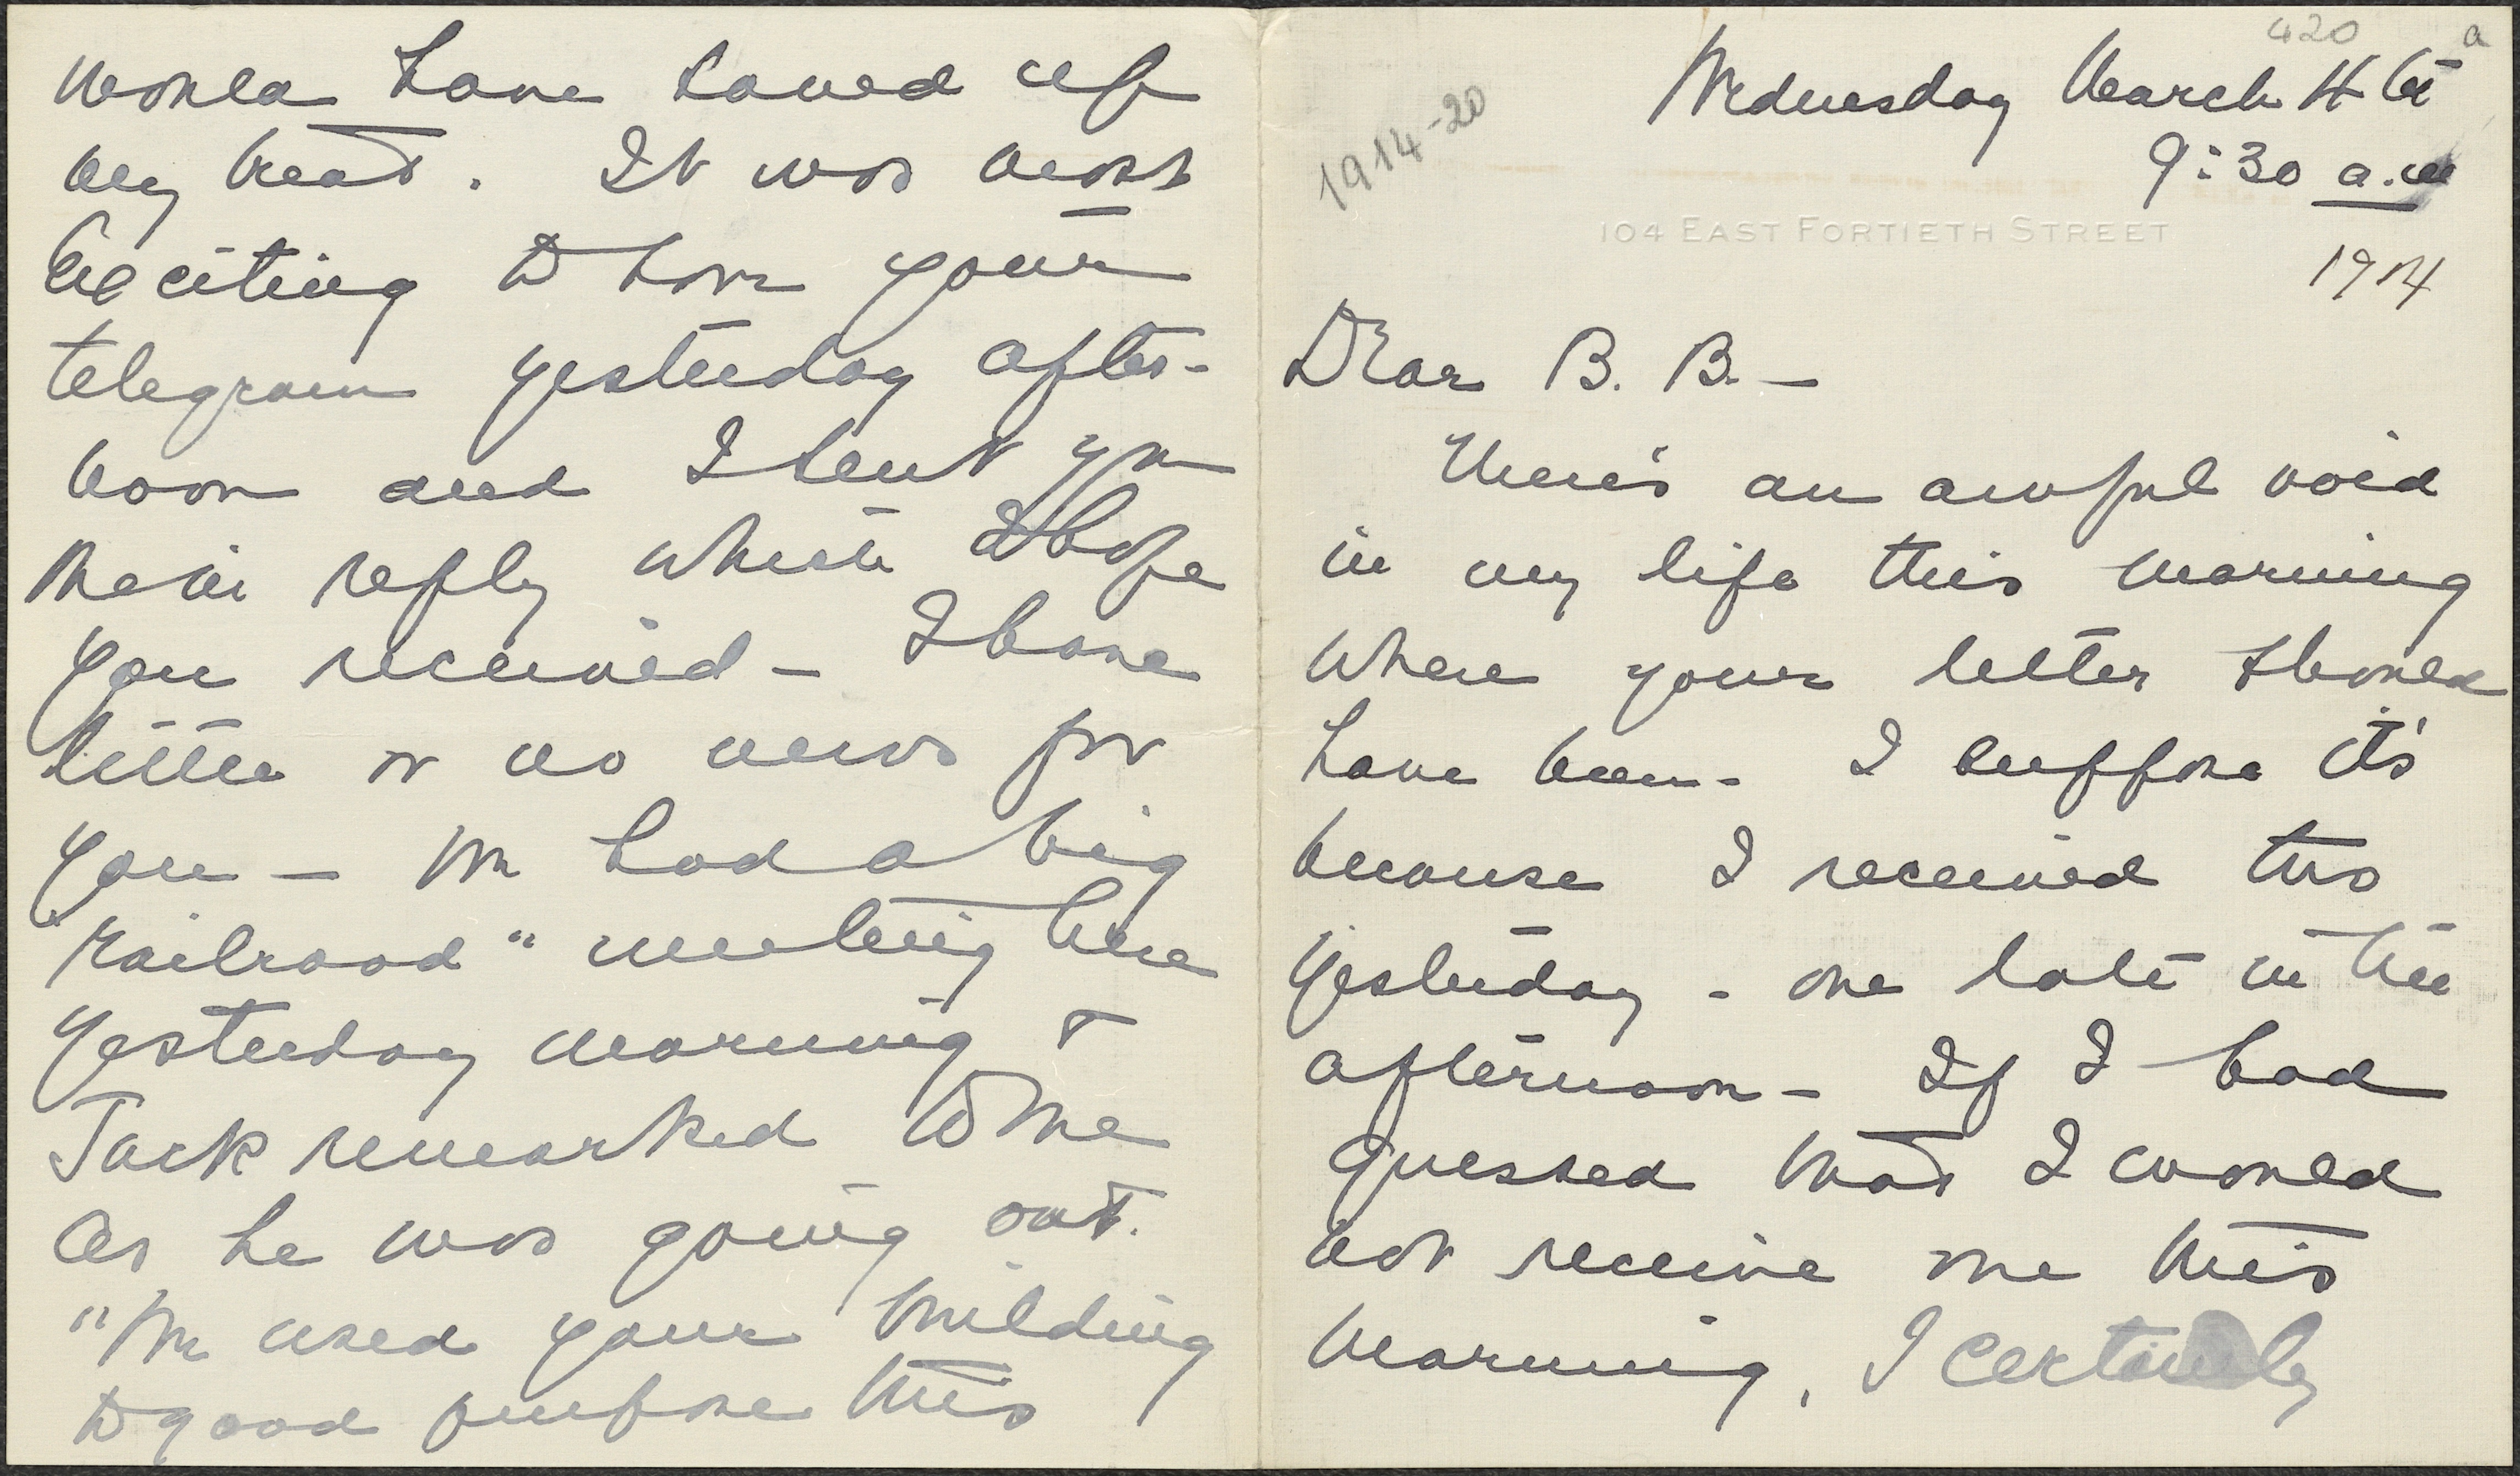Wednesday March 4th
9:30 a.m.
Dear B.B. –
There’s an awful void in my life this morning where your letter should have been – I suppose it’s because I received two yesterday – one late in the afternoon – If I had guessed that I would not receive one this morning, I certainly
would have saved up my treat. It was most exciting to have your telegram yesterday afternoon and I sent you one in reply which I hope you received – I have little or no news for you – we had a big “railroad” meeting here yesterday morning & Jack remarked to me as he was going out. “We used your building to good purpose this